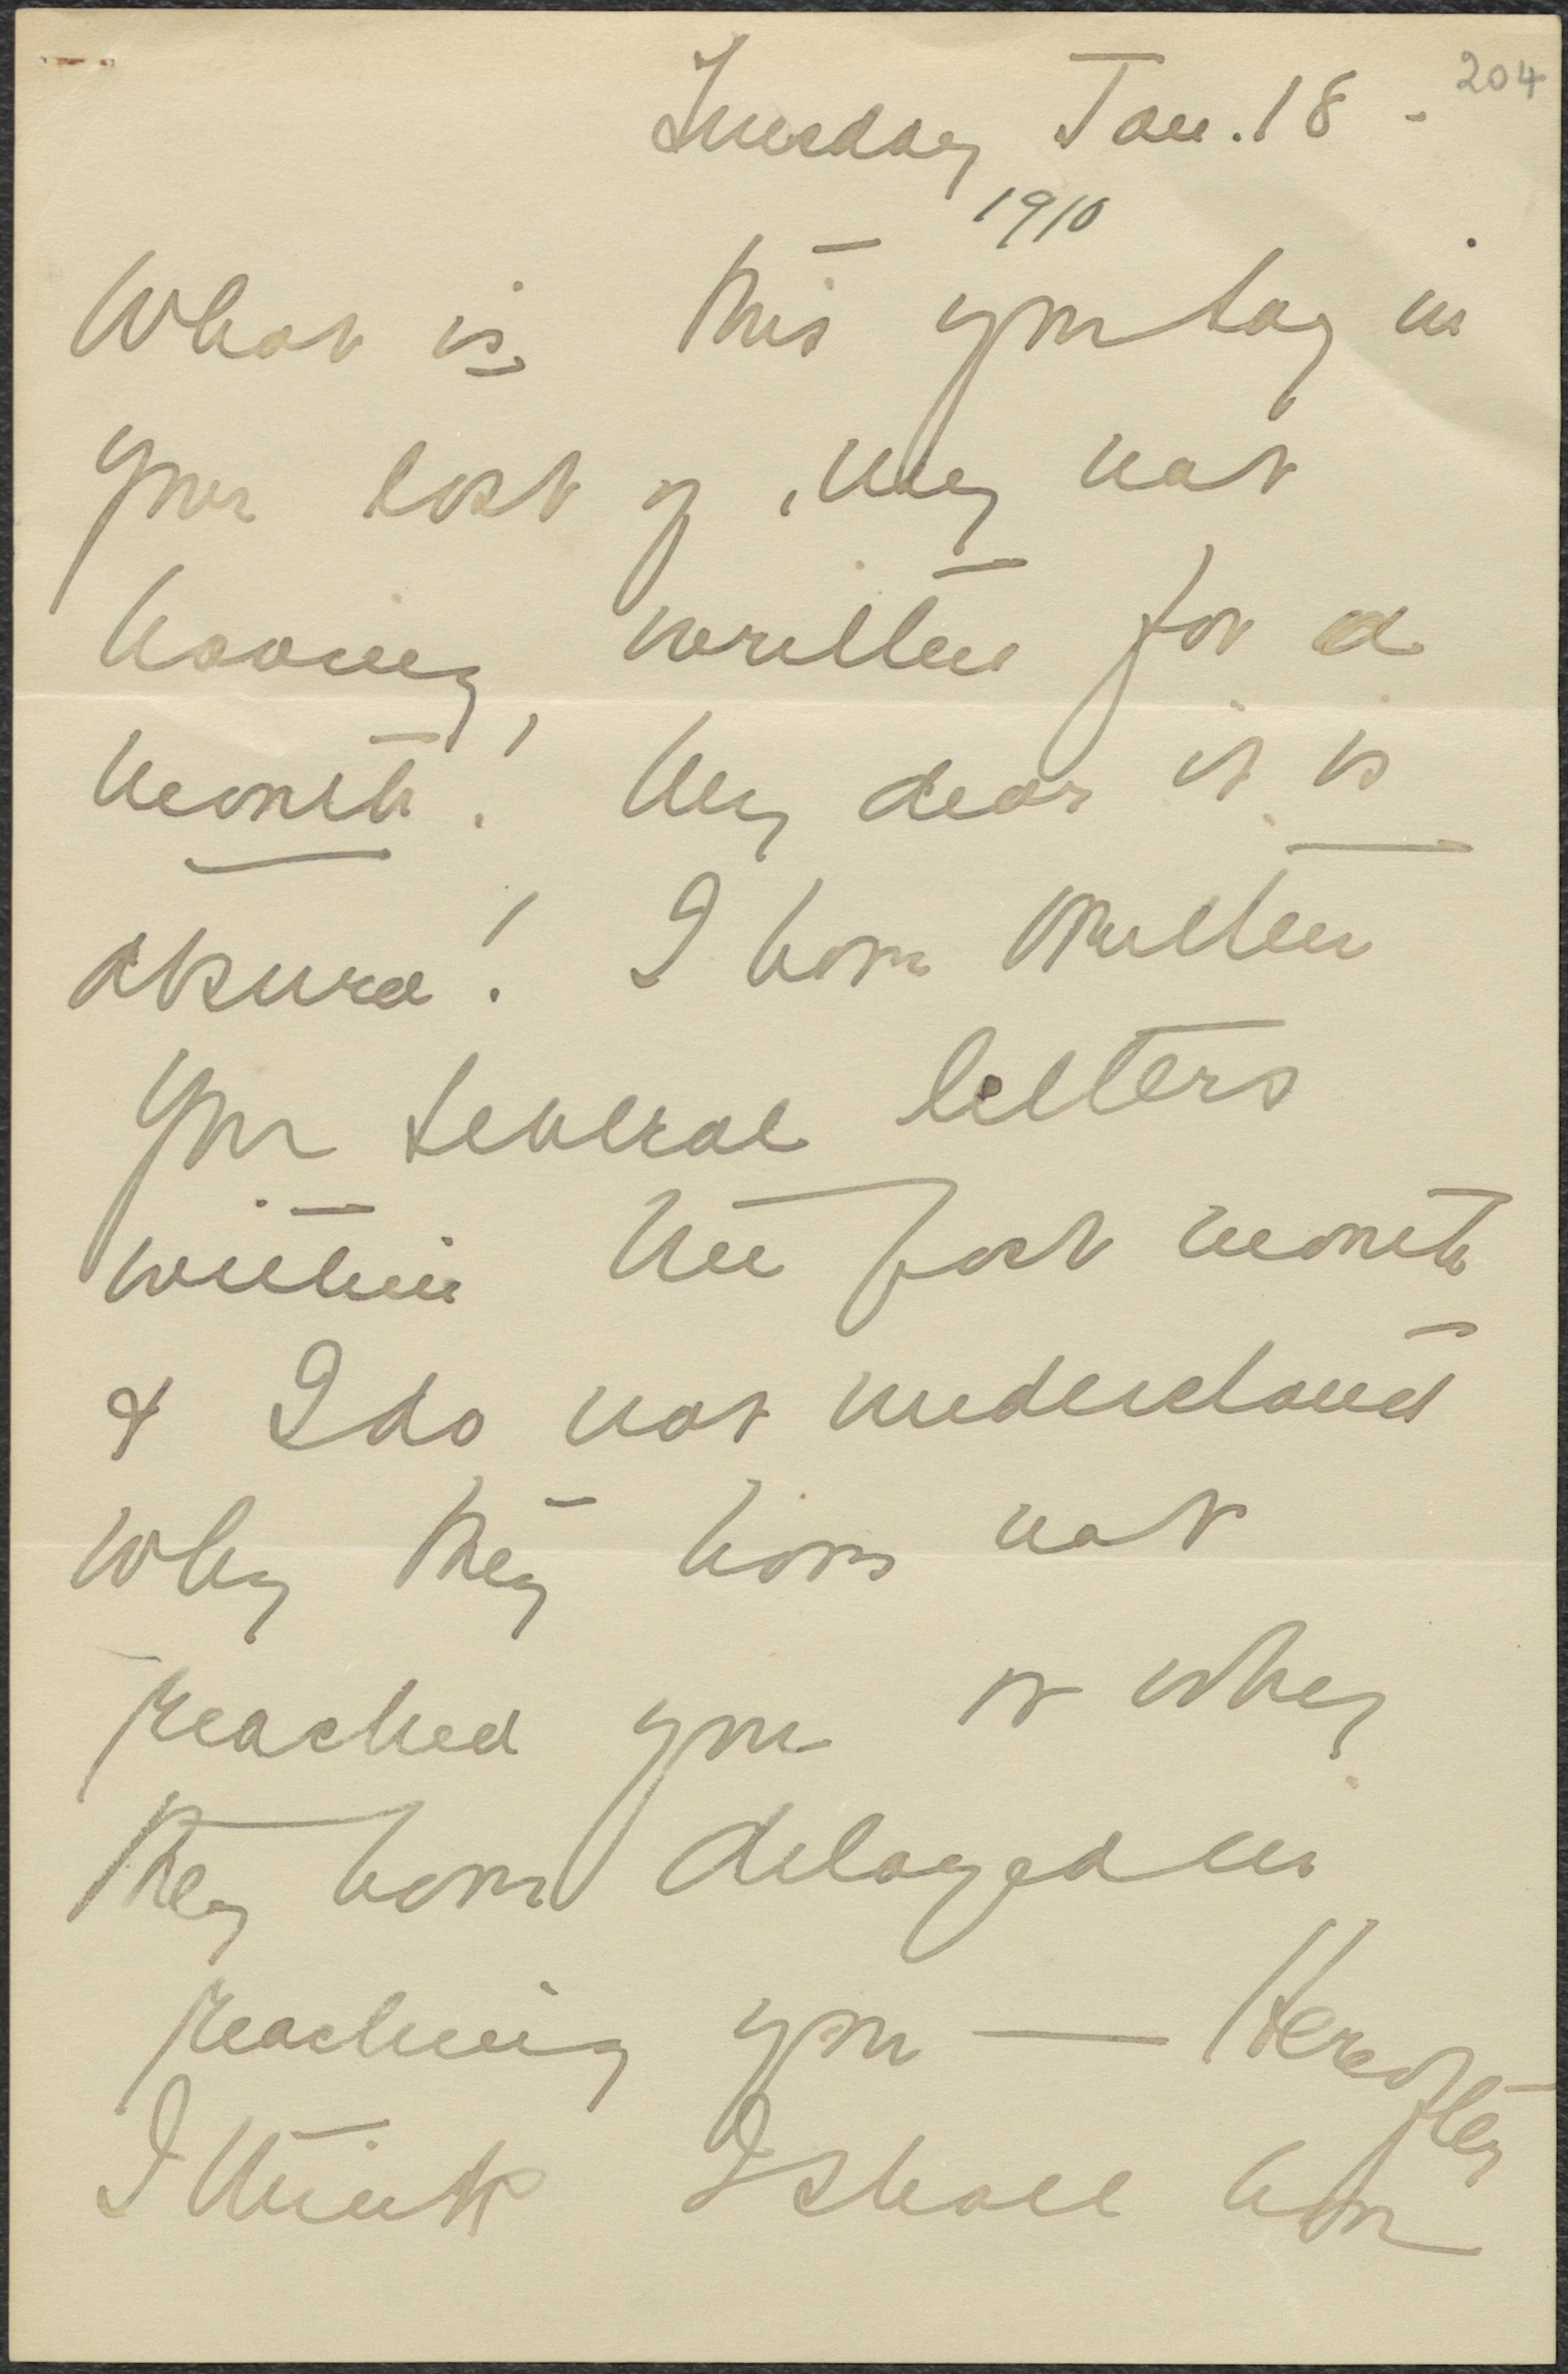Tuesday Jan. 18 –
What is this you say in your last of my not having written for a month! My dear it is absurd! I have written you several letters within the past month & I do not understand why they have not reached you or why they have delayed in reaching you – Hereafter I think I shall have